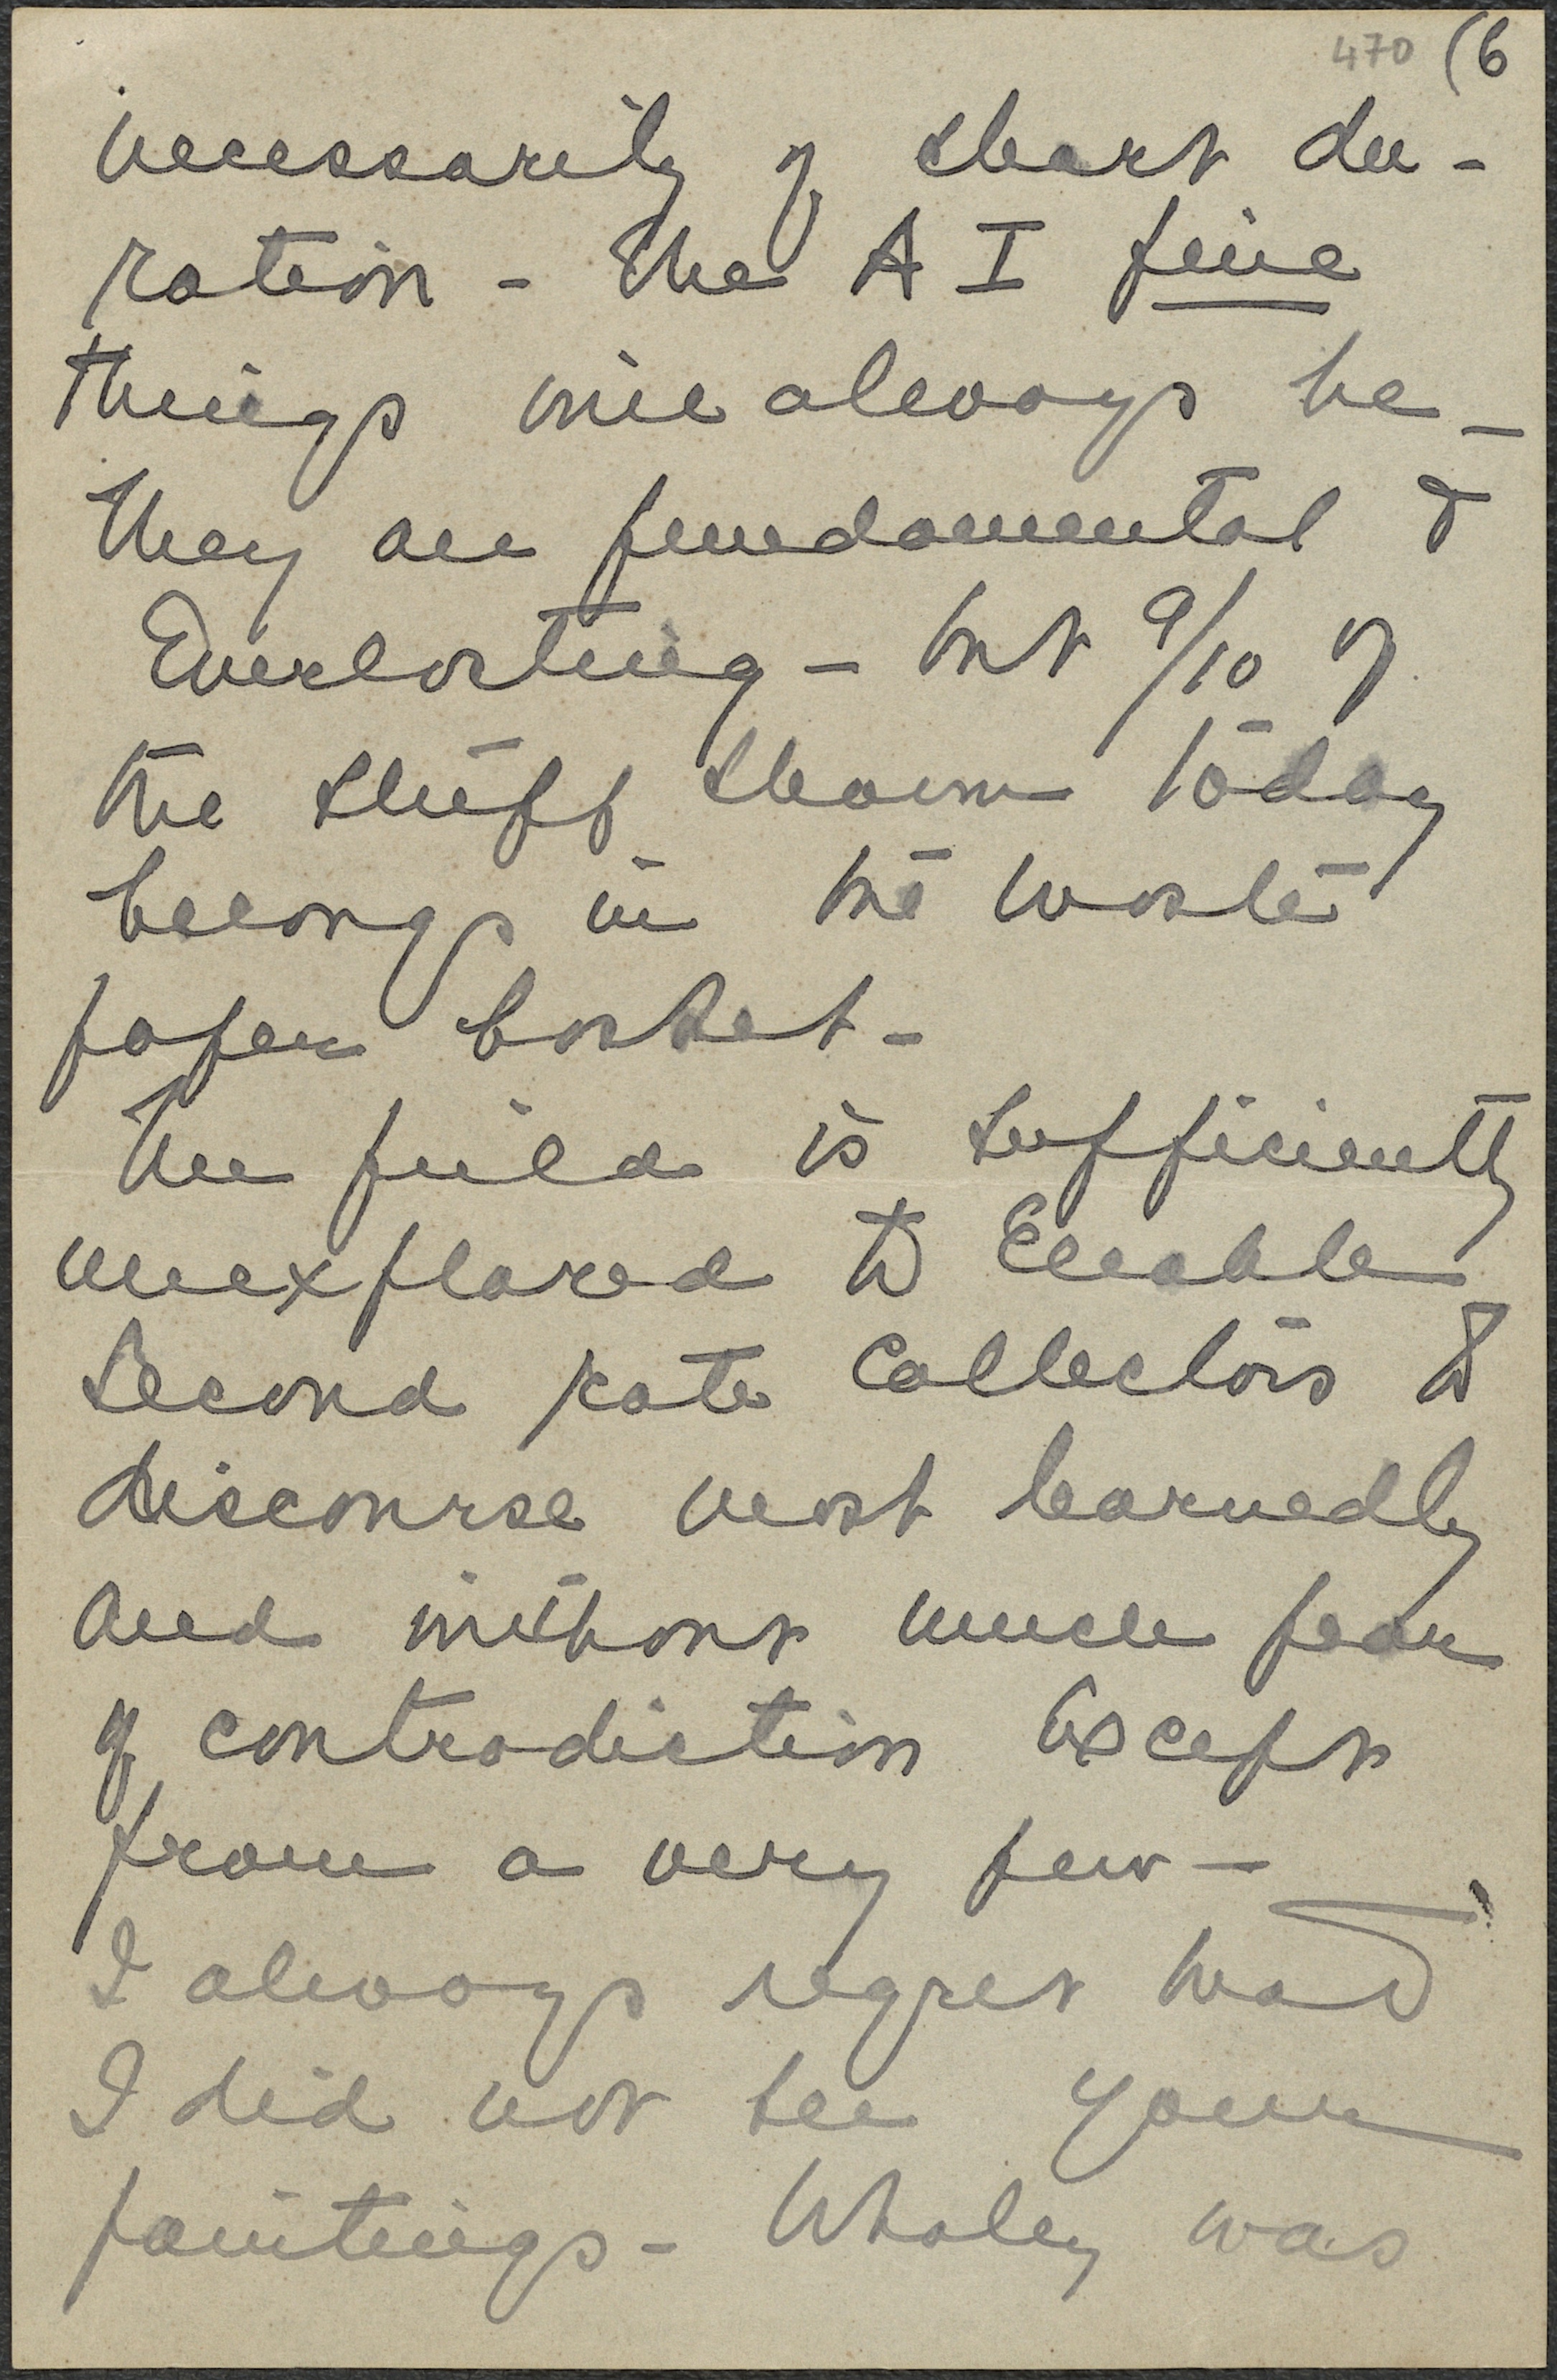necessarily of short duration – the A1 fine things will always be – they are fundamental & everlasting – but 9/10 of the stuff shown today belongs in the waste paper basket –
The field is sufficiently unexplored to enable second rate collectors to discourse most learnedly and without much fear of contradiction except from a very few– I always regret that I did not see your paintings – Whaley was